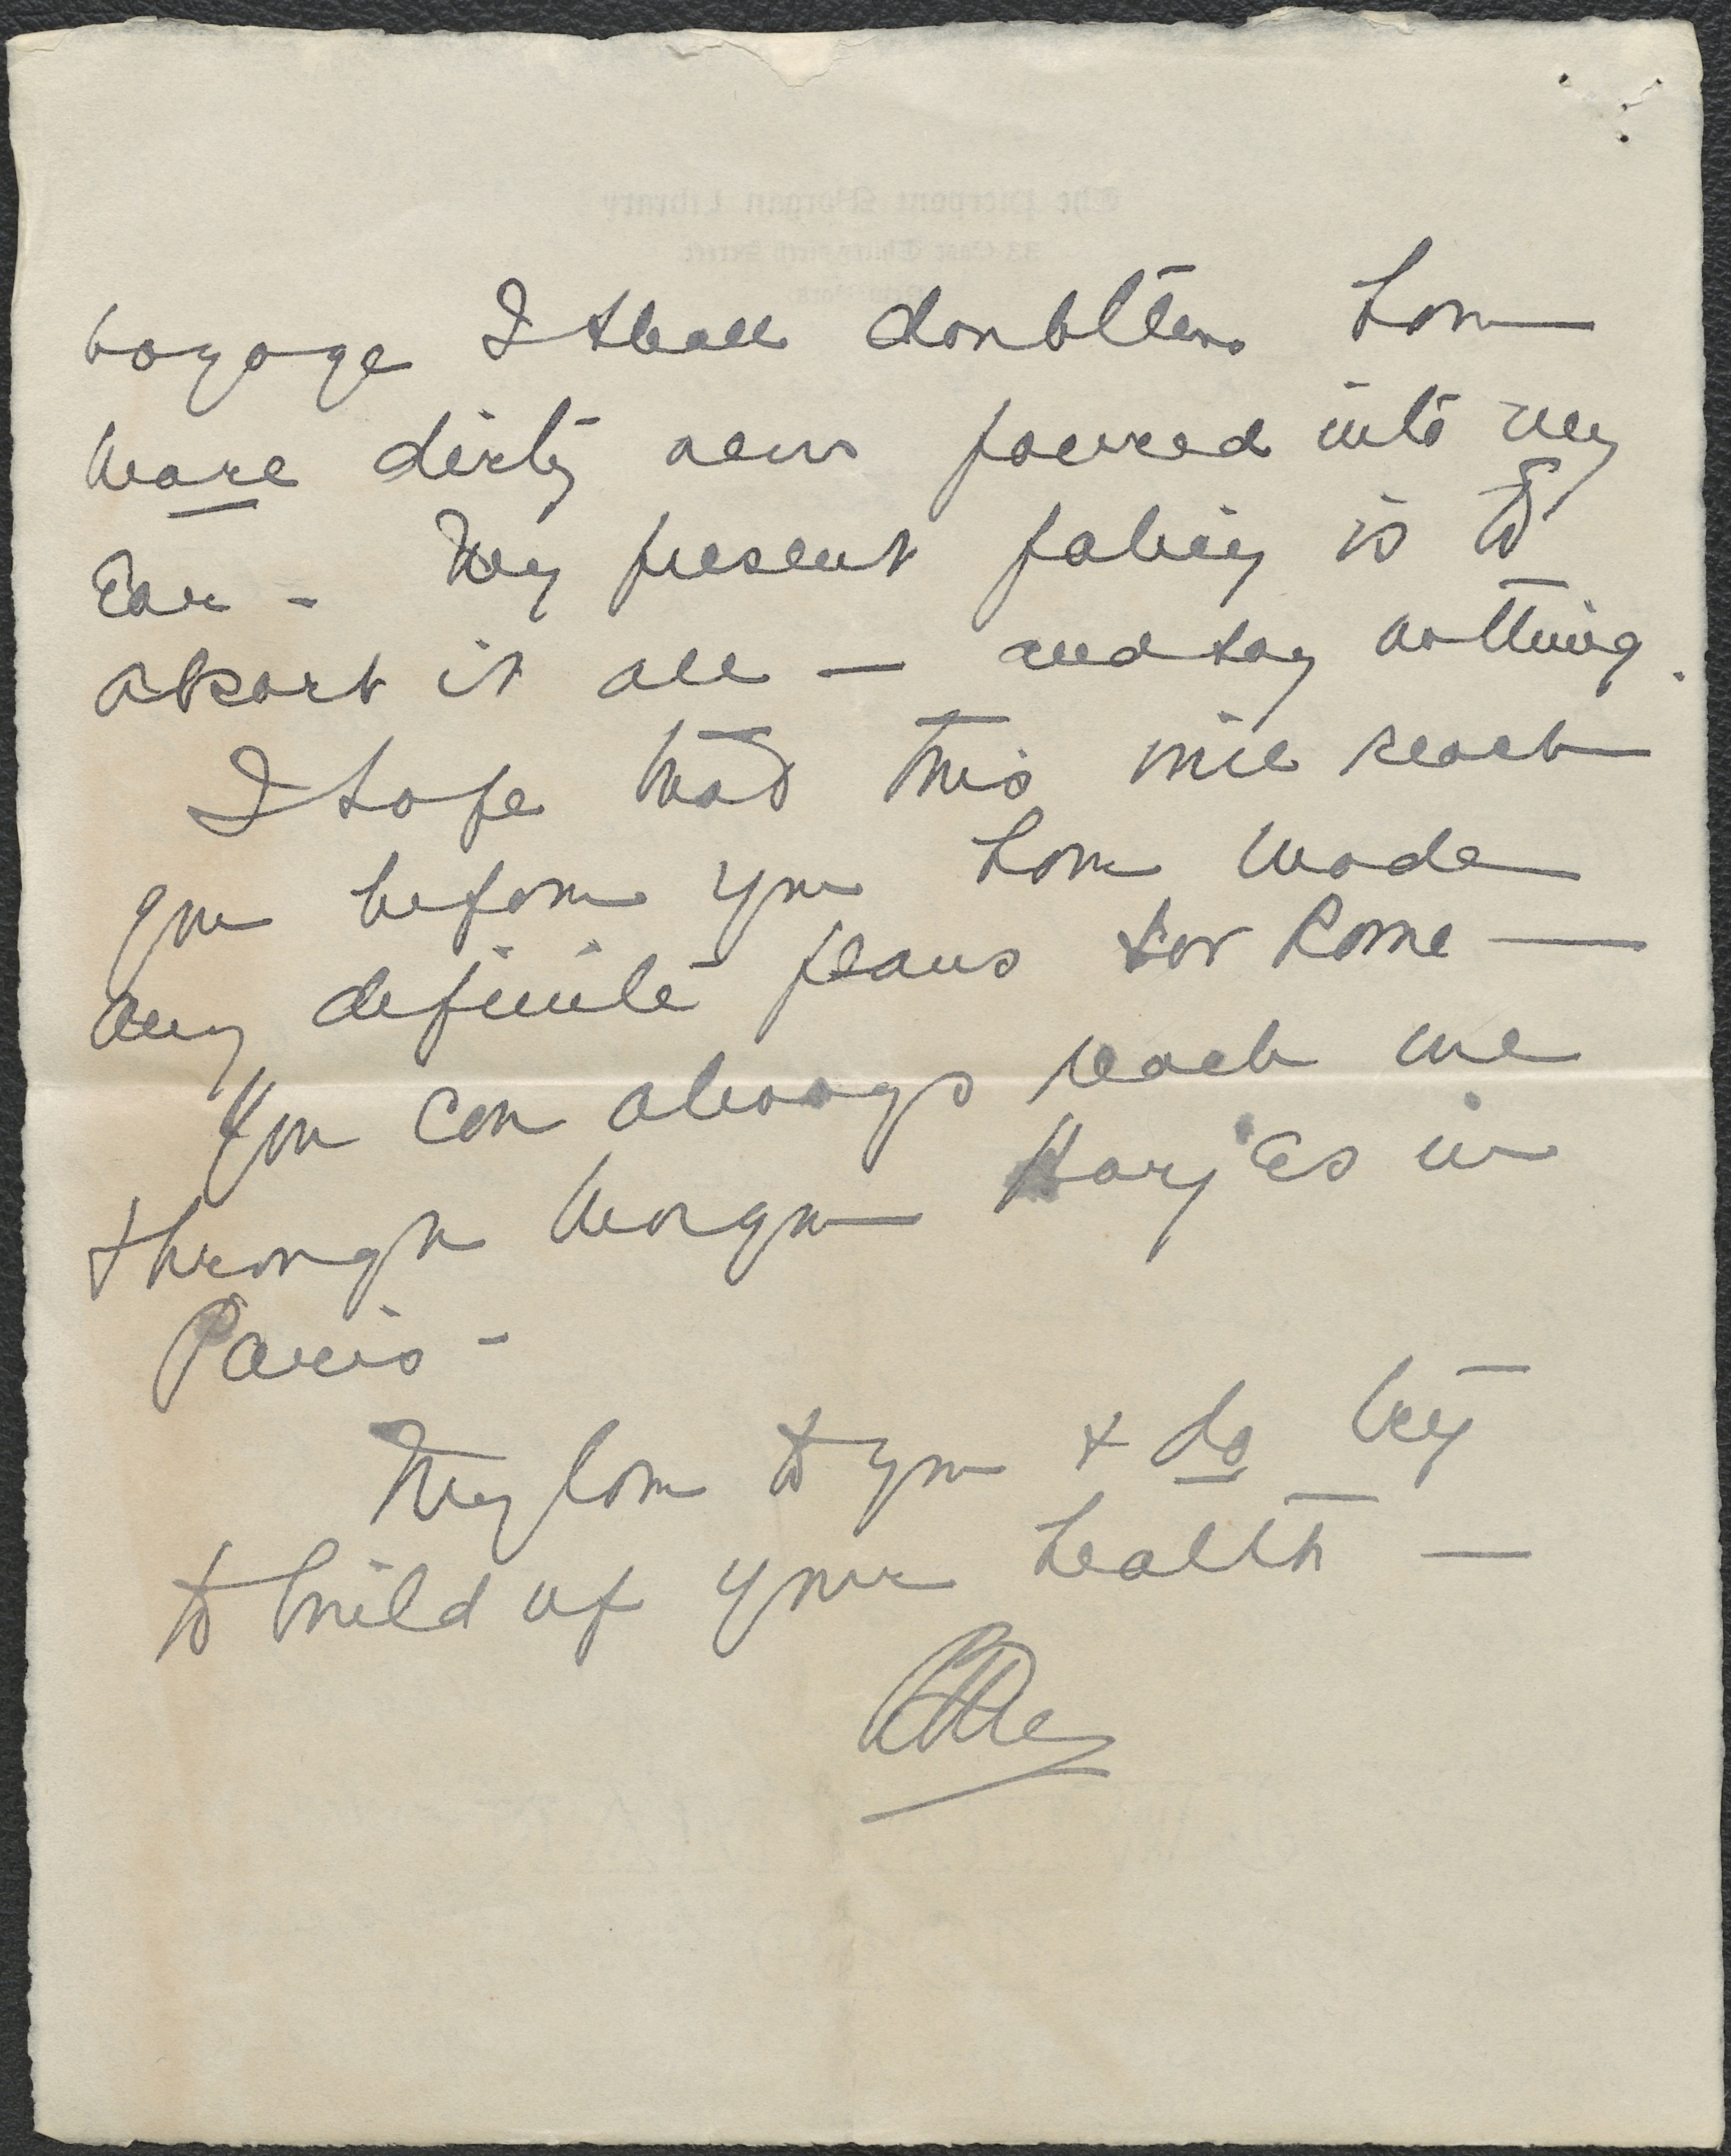voyage I shall doubtless have more dirty news poured into my ear – My present policy is to absorb it all – and say nothing.
I hope that this will reach you before you have made any definite plans for Rome –
You can always reach me through Morgan Harjes in Paris –
My love to you & do try to build up your health –
Belle